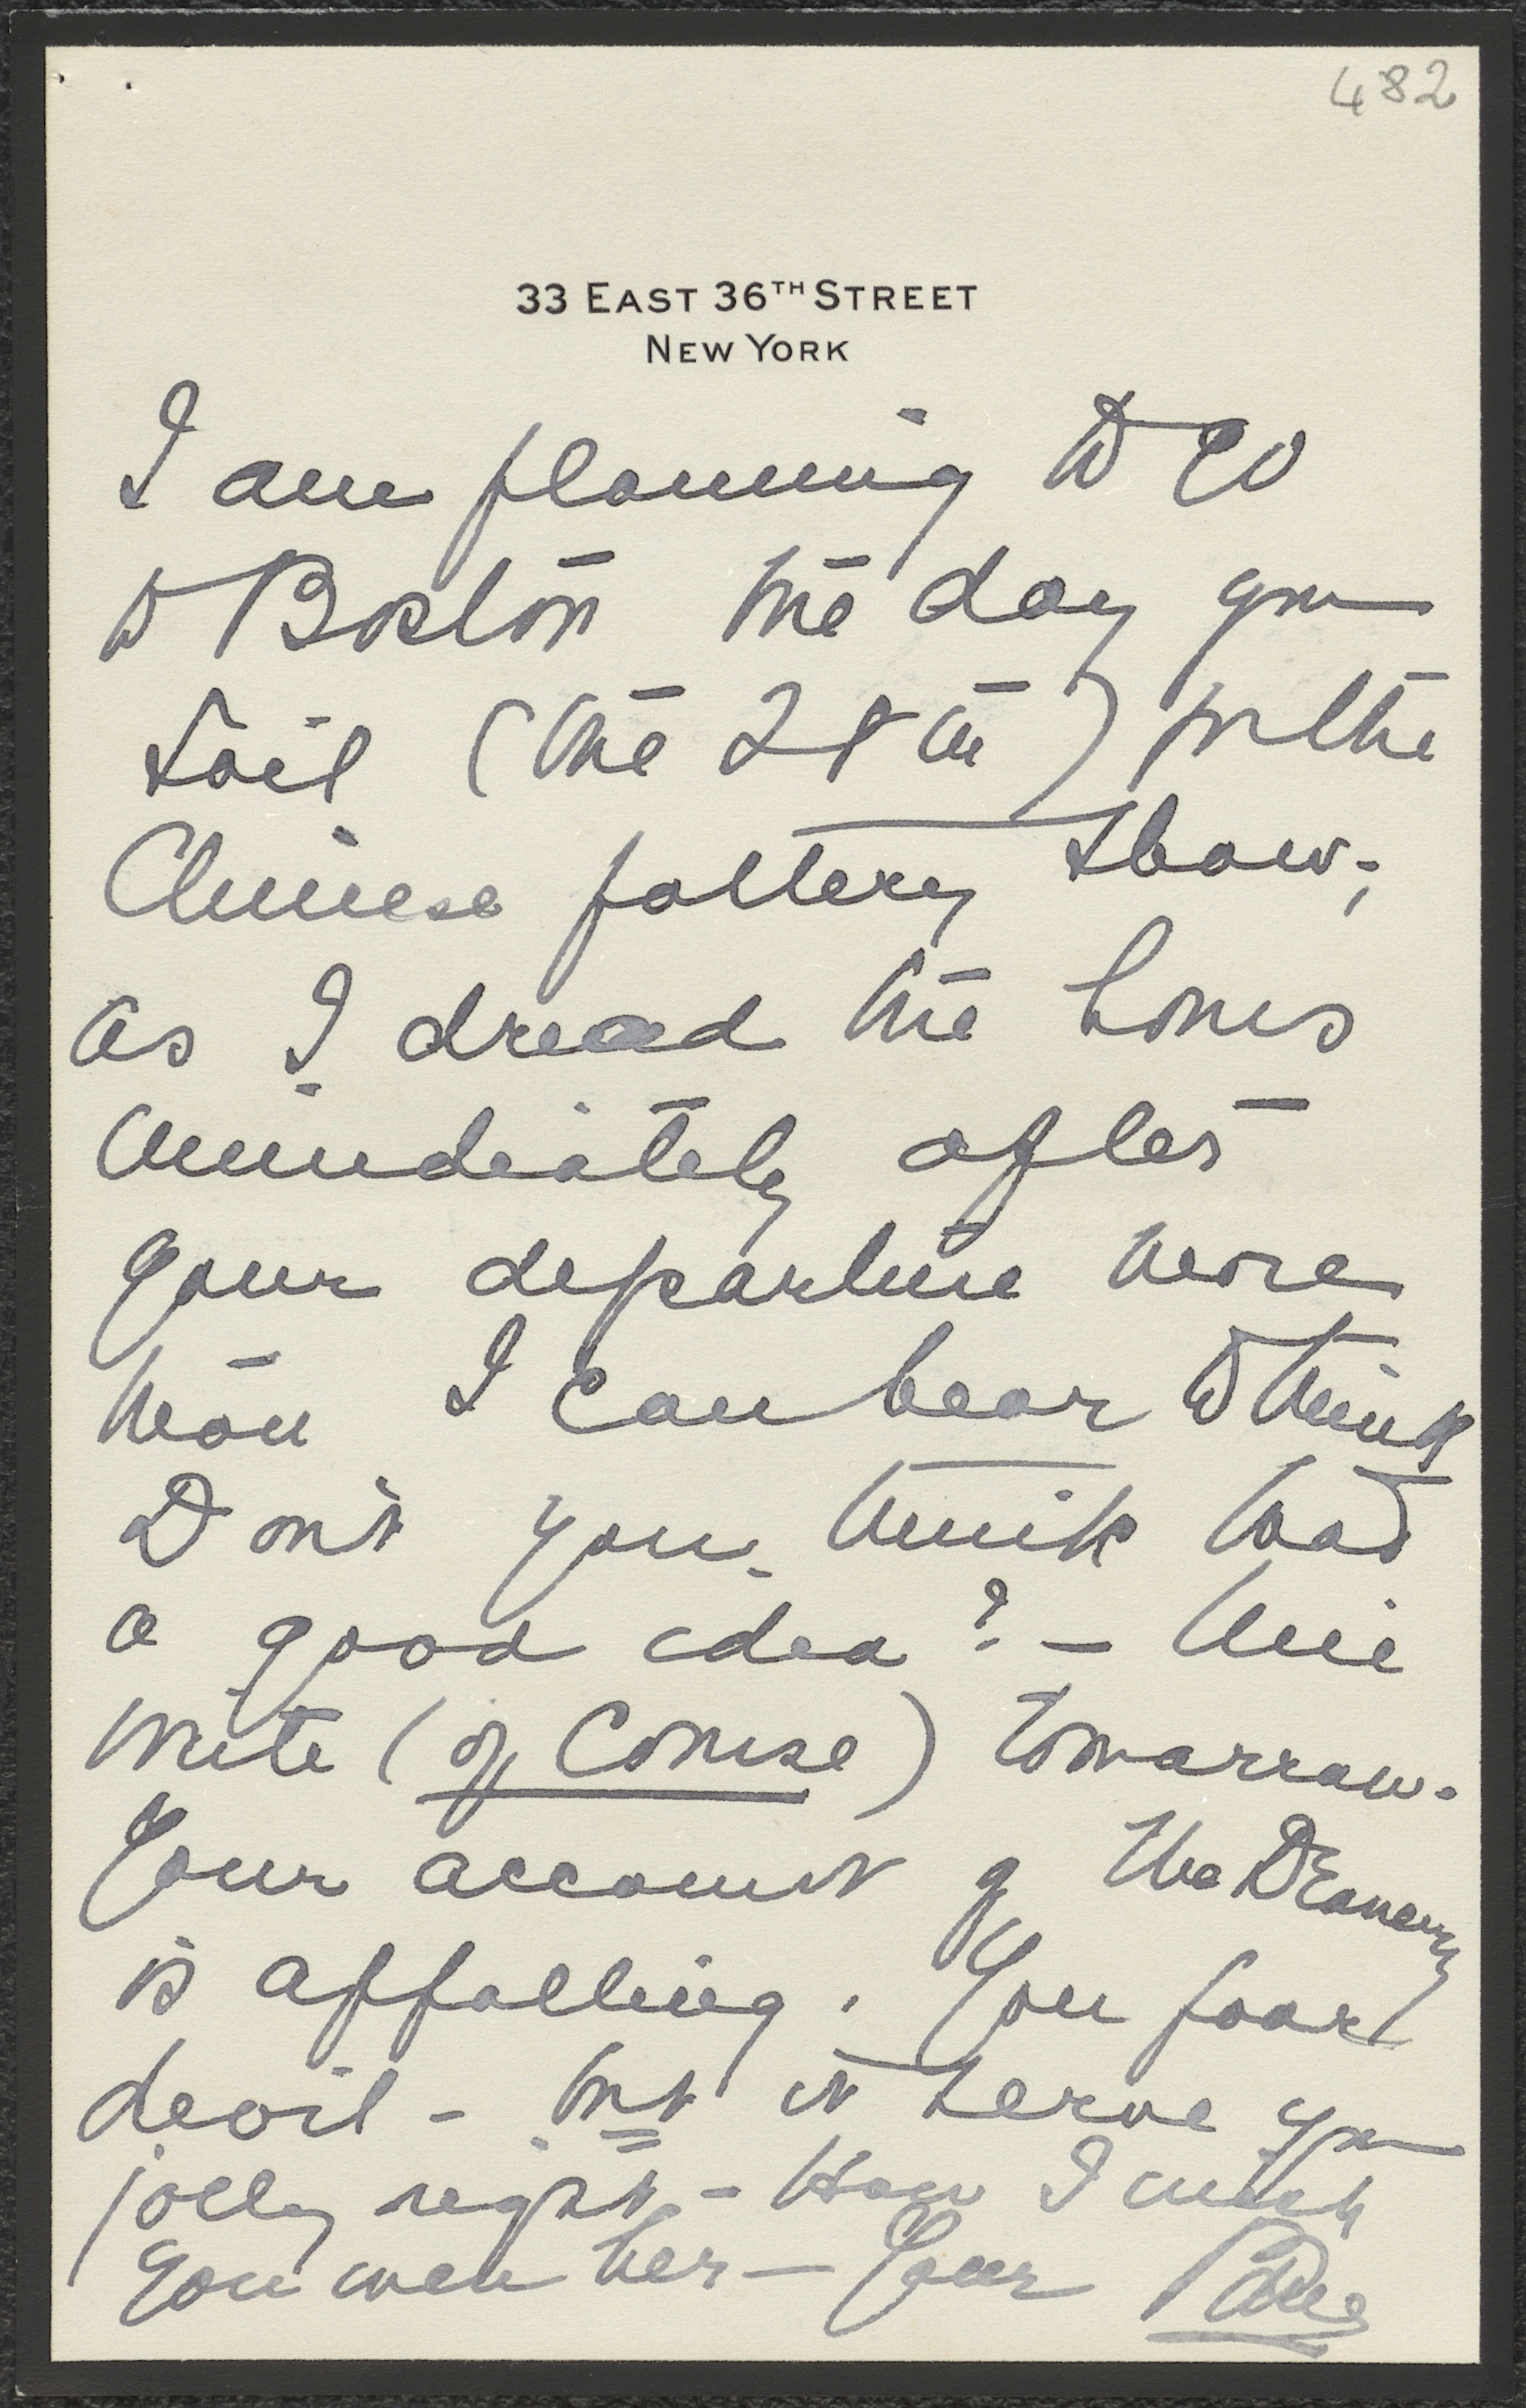I am planning to go to Boston the day you sail (the 28th) for the Chinese pottery show; as I dread the hours immediately after your departure more than I can bear to think
Don’t you think that a good idea? – Will write (of course) tomorrow. Your account of The Deanery is appalling. You poor devil – [double underlined: but] it serve you jolly right – How I wish you were her – Your Belle